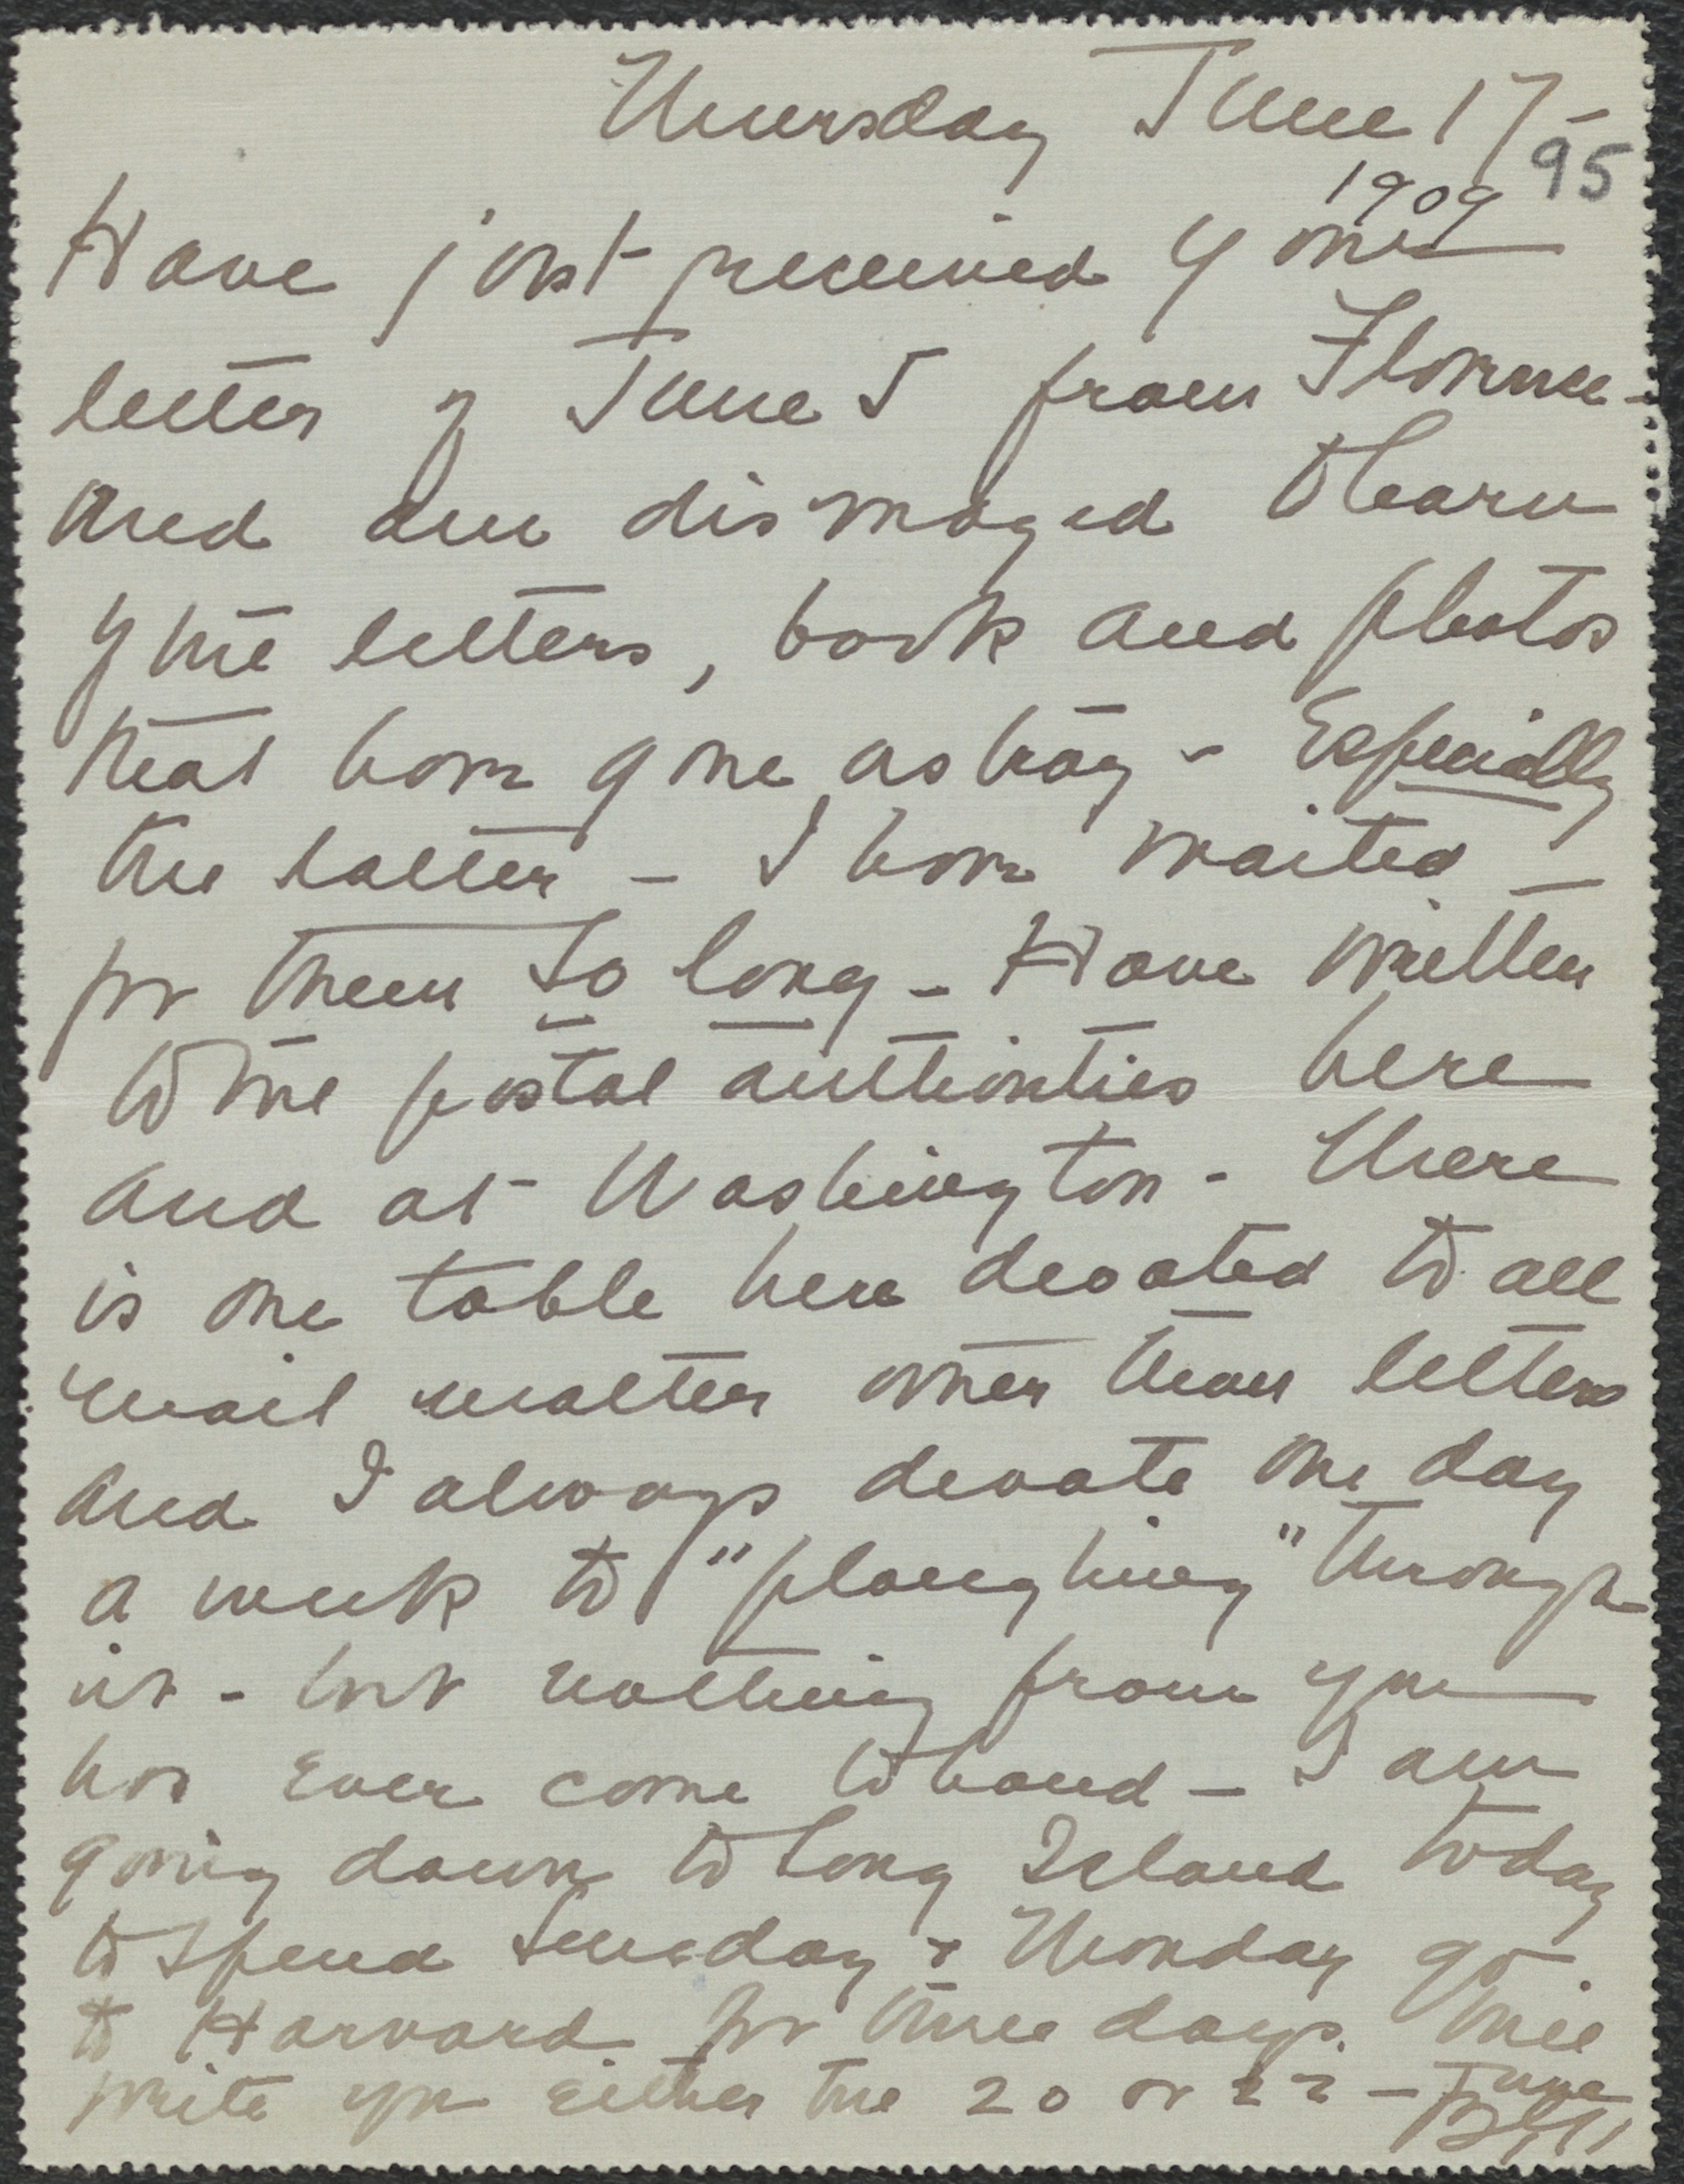Thursday June 17 –
Have just received your letter of June 5 from Florence – and am dismayed to learn of the letters, book and photos that have gone astray – Especially the latter – I have waited for them so long – Have written to the postal authorities here and at Washington – There is one table here devoted to all mail matter other than letters and I always devote one day a week to “ploughing” through it – but nothing from you has ever come to hand – I am going down to Long Island today to spend Sunday & Monday go to Harvard for three days. Will write you either the 20 or 22 – June
B. G.